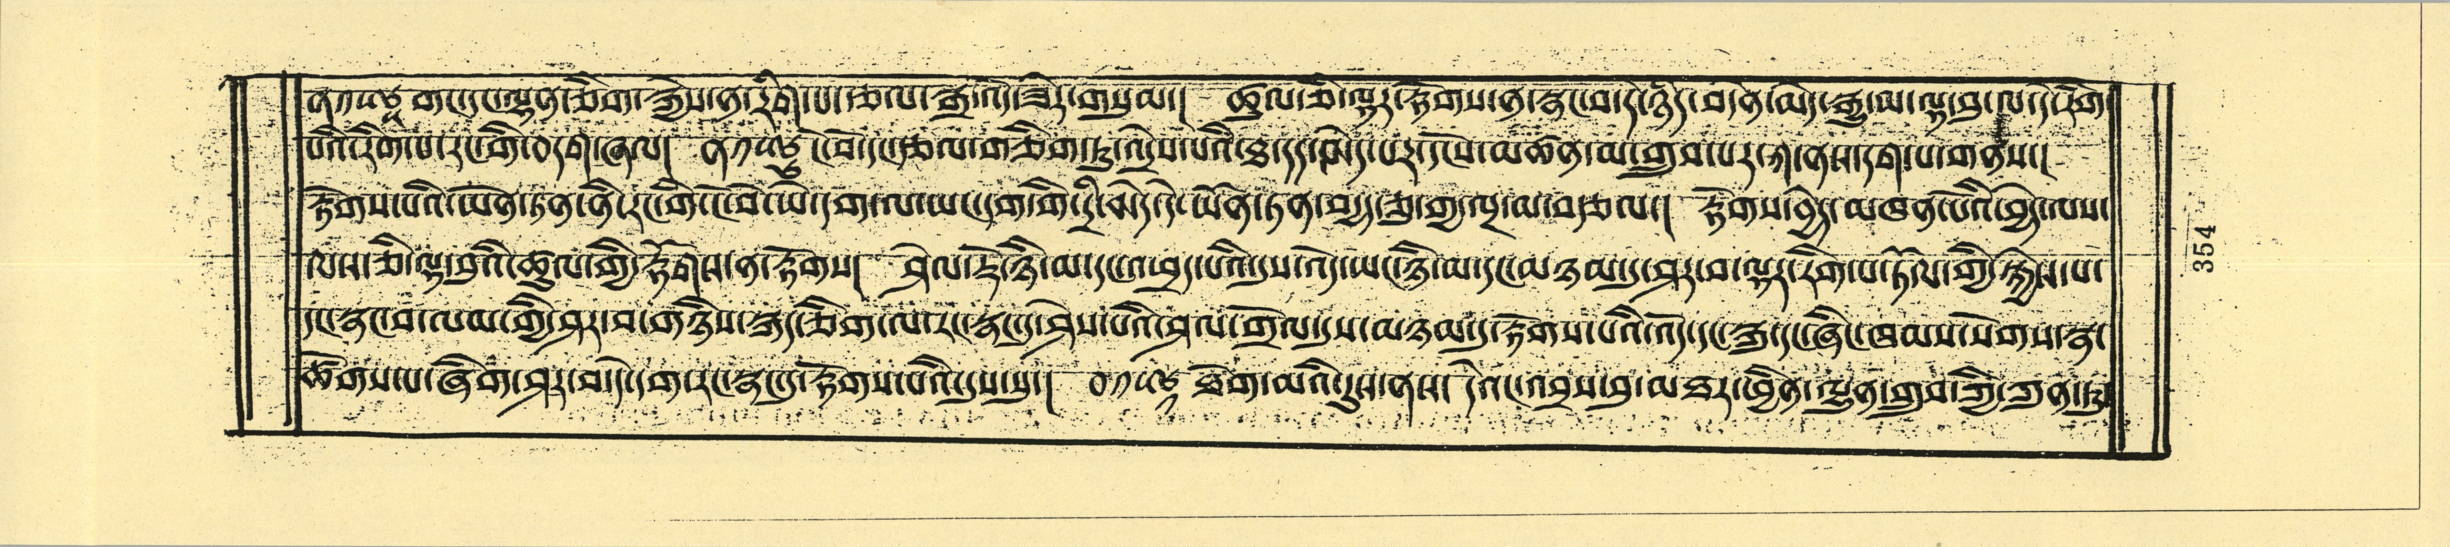ན༡༥༦།༥ གང་དང་ལྷན་ཅིག་སྐྱེས་ན་༼རིག་པ་༽རྩལ་སྒྲ་འོད་ཟེར་གསུམ། ཚུལ་ཅི་ལྟར་རྟོགས་ན་སྣང་བ་༼དེ་ཉིད་༽བདེན་མེད་སྒྱུ་མ་ལྟ་བུ་ལ་དེ་རིག་
པའི་རིག་པ་རང་གི་༼བདག་ཞལ།༽ན༡༥༦།༦ ངོ་བོ་དང་རྩལ་གཅིག་ཏུ་འདྲེས་པའི་༼ཐ་དད་མེད་པར་༽དངོས་མཚན་མ་གྲུབ་པར་༼ཀ་ནས་དག་པ་གནས། 
རྟོགས་པའི་ཡོན་ཏན་ནི་རང་གི་ངོ་བོ་ཡེ་དག་ལ་ཡང་དག་གི་༼དྲི་མེད་༽དེ་༼ཡོན་ཏན་༽བརྒྱད་ཅུ་གྱ་ལྔ་མ་བརྩལ། རྟོགས་བྱེད་མཁན་པོའི་བྱེད་ལས་
ལས་ཅི་ལྟ་བུའི་ཚུལ་གྱི་༼རྟོགས་༽ན་རྟོགས། ཤེལ་རྡོ་ཉི་མ་དང་འཕྲད་པའི་དུས་འོད་ཡང་ཉི་མ་དང་མཉམ་དུ་ཤར་བ་ལྟར་རིག་པ་༼ཏོལ་༽གྱི་སྐྱེས་པ་
དང་སྣང་བ་ལམ་གྱི་ཤར་བ་གཉིས་སྐད་ཅིག་ལ་རང་སྣང་དུ་ཤེས་པའི་ཤལ་གྲོལ་དུས་མཉམ་དུ་རྟོགས་པའི་འོད་དང་སྐུ་དང་ཞིང་ཁམས་སོགས་སྣ་
ཚོགས་པ་ཞིག་ཤར་བ་དེ་དག་རང་སྣང་དུ་རྟོགས་པའི་དུས་སུ། བ༡༥༦།༡ ཐོག་མའི་༼དུས་ནས་༽དེ་འང་འབྲས་བུ་མཐར་ཕྱིན་ལྷུན་གྲུབ་ཀྱི་ཀུན་ཏུ་